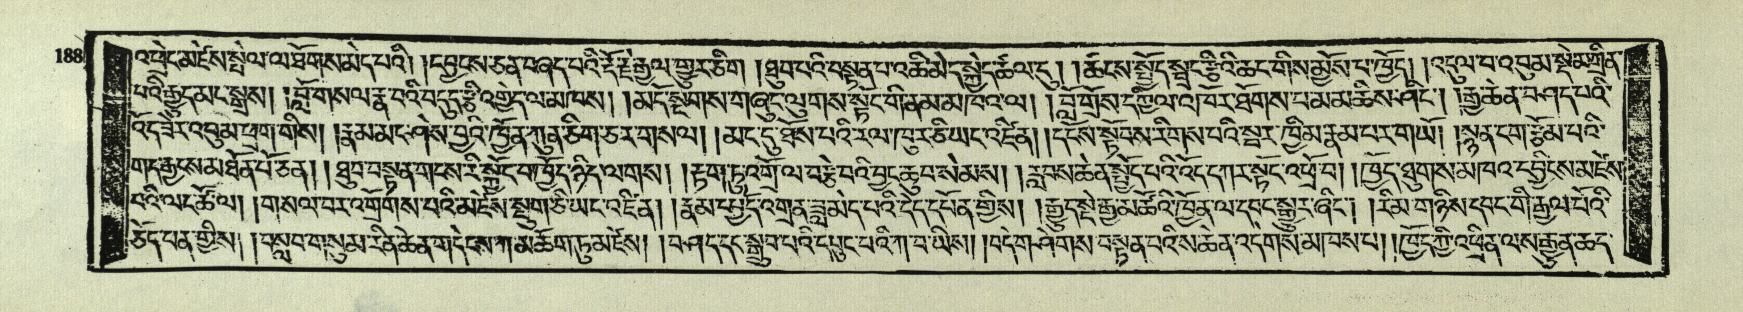འཕྲེང་མཛེས་སྤེལ་ལ་ཐོགས་མེད་པའི། །དབྱངས་ཅན་བཞད་པའི་རྡོ་རྗེ་རྒྱལ་གྱུར་ཅིག །ཐུབ་པའི་བསྟན་པ་འཆི་མེད་སྐྱེད་ཚལ་དུ། །ཚངས་སྤྱོད་སྦྲང་རྩིའི་ཆང་གིས་མྱོས་པ་ཁྱོད། །འདུལ་བ་འབུམ་སྡེ་མགྲིན་
པའི་རྒྱུད་མང་སྒྲས། །བློ་གསལ་རྣ་བའི་བདུད་རྩི་འགྱེད་ལ་མཁས། །མདོ་སྔགས་གཞུང་ལུགས་སྟོང་གི་ནམ་མཁའ་ལ། །བློ་གྲོས་དཀྱིལ་འཁོར་ཐོགས་པ་མ་མཆིས་ཤིང་། །རྒྱ་ཆེན་བཤད་པའི་
འོད་ཟེར་འབུམ་ཕྲག་གིས། །རྣམ་མང་ཤེས་བྱའི་ཁྱོན་ཀུན་ཅིག་ཅར་གསལ། །མང་དུ་ཐོས་པའི་རལ་ཁུར་ཅི་ཡང་འཛིན། །དངོས་སྟོབས་རིགས་པའི་སྦར་ཁྱིམ་རྣམ་པར་གཡོ། །སྙན་ངག་རྩོམ་པའི་
གད་རྒྱངས་མཐོན་པོ་ཅན། །ཐུབ་བསྟན་གངས་རི་སྐྱོང་བ་ཁྱོད་ཉིད་ལགས། །རྟག་ཏུ་འགྲོ་ལ་བརྩེ་བའི་བྱང་ཆུབ་སེམས། །རླབས་ཆེན་སྤྱོད་པའི་འོད་དཀར་སྟོང་འཕྲོ་བ། །ཁྱོད་ཐུགས་མཁའ་དབྱིངས་མཛེས་
པའི་ལང་ཚོ་ལ། །གསལ་བར་འགྲོགས་པའི་མཛེས་སྤུག་ཅི་ཡང་འཛིན། །རྣམ་དཔྱོད་འགྲན་ཟླ་མེད་པའི་དེད་དཔོན་གྱིས། །རྒྱུད་སྡེ་རྒྱ་མཚོའི་ཁྱོན་ལ་དབང་སྒྱུར་ཞིང་། །རིམ་གཉིས་དབང་གི་རྒྱལ་པོའི་
ཅོད་པན་གྱིས། །བསླབ་གསུམ་རིན་ཆེན་གདེངས་ཀ་མཆོག་ཏུ་མཛེས། །བཤད་དང་སྒྲུབ་པའི་དཔུང་པའི་ཀ་བ་ཡིས། །བདེ་གཤེགས་བསྟན་པའི་ས་ཆེན་འདེགས་མཁས་པ། །ཁྱོད་ཀྱི་འཕྲིན་ལས་རྒྱུན་ཆད་